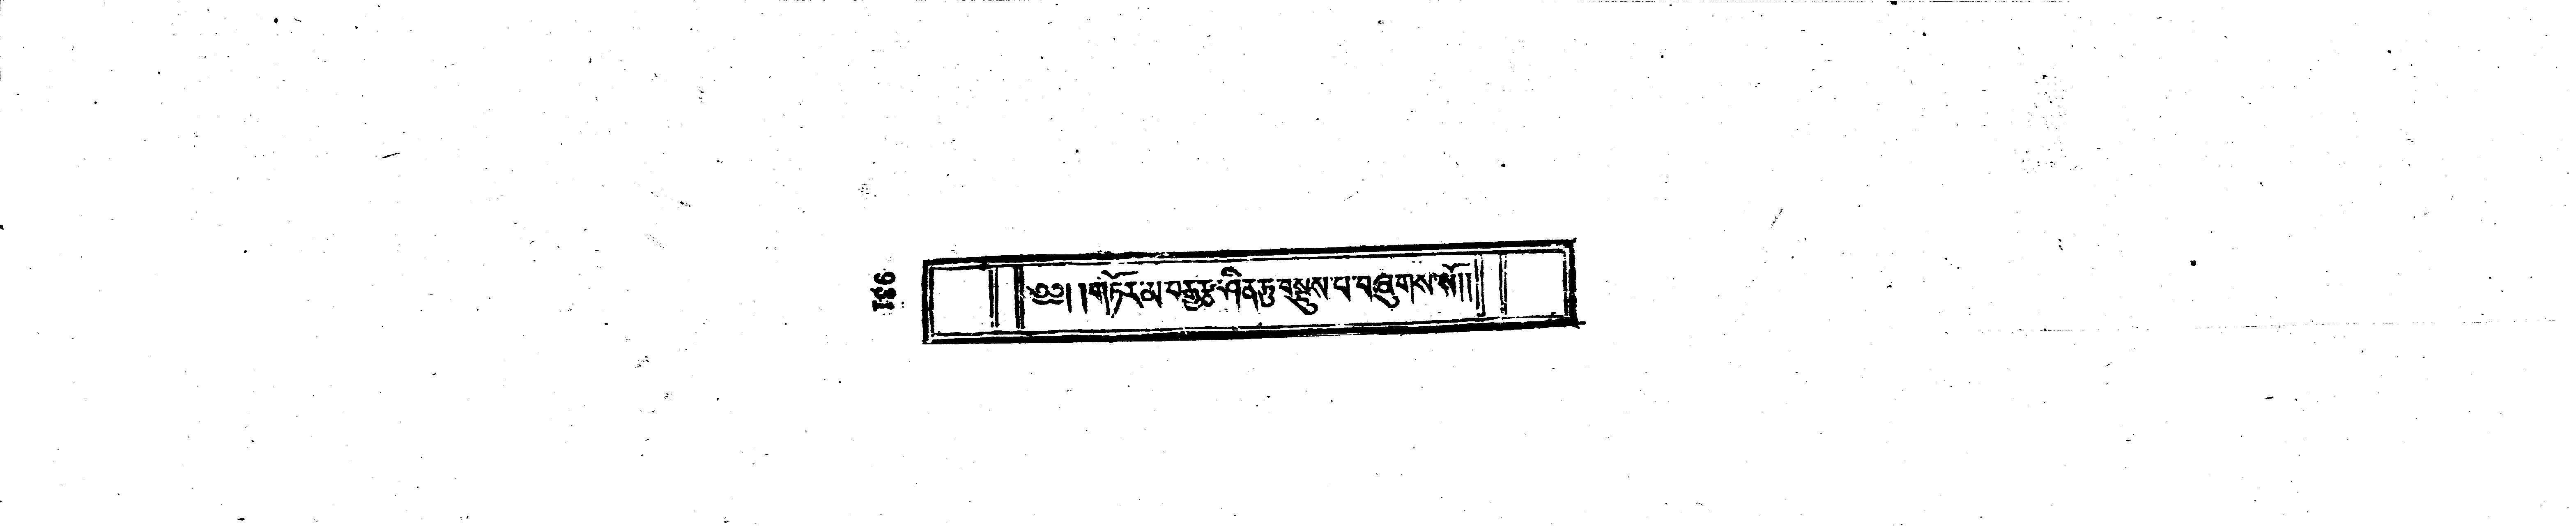༄༅། །གཏོར་མ་བརྒྱ་རྩ་ཤིན་ཏུ་བསྡུས་པ་བཞུགས་སོ།།